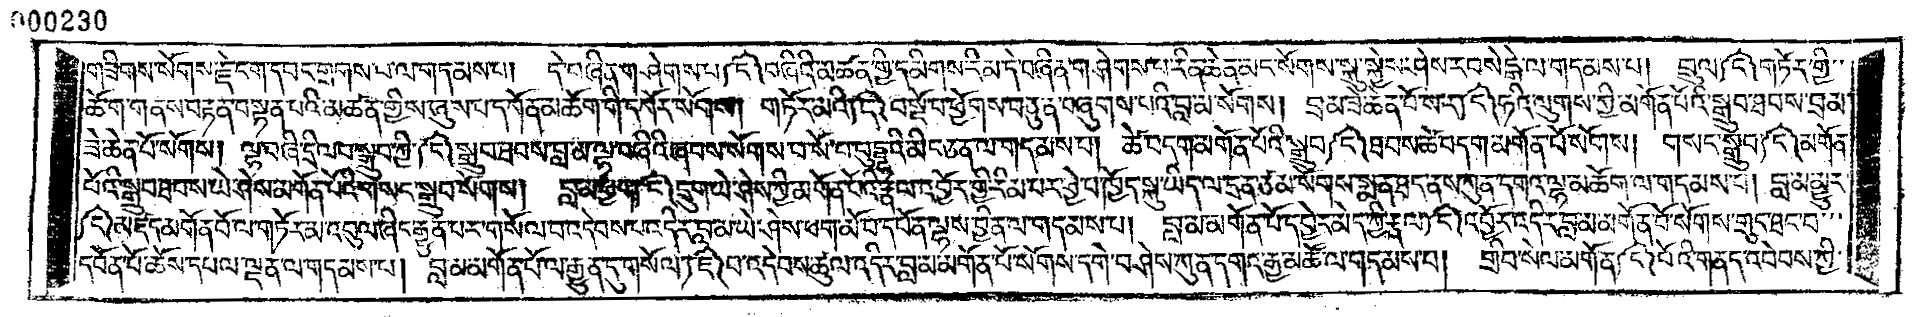གཟིགས་སོགས་རྗེ་ངག་དབང་གྲགས་པ་ལ་གདམས་པ། དེ་བཞིན་གཤེགས་པ ༼ང༽ བཞིའི་མཚན་གྱི་དམིགས་རིམ་དེ་བཞིན་གཤེགས་པ་རིན་ཆེན་མང་སོགས་སྐུ་སྐྱེས་ཤེས་རབ་སེངྒེ་ལ་གདམས་པ། བྲུལ ༼ང༽ གཏོར་གྱི་
ཆོ་ག་གནས་བརྟན་བསྟན་པའི་མཚན་གྱིས་ཞུས་པ་དཀོན་མཆོག་གི་དཀོར་སོགས། གཏོར་མའི ༼ང༽ བསྔོ་བ་ཕྱོགས་བཅུ་ན་བཞུགས་པའི་བླ་མ་སོགས། བྲམ་ཟེ་ཆེན་པོ་ས་ར ༼ང༽ ཧའི་ལུགས་ཀྱི་མགོན་པོའི་སྒྲུབ་ཐབས་བྲམ་
ཟེ་ཆེན་པོ་སོགས། ལྷ་བཞི་དྲིལ་བསྒྲུབ་ཀྱི ༼ང༽ སྒྲུབ་ཐབས་བླ་མ་ལྷ་བཞིའི་ཞབས་སོགས་པ་སོ་པ་བུདྡྷའི་མིང་ཅན་ལ་གདམས་པ། ཚེ་བདག་མགོན་པོའི་སྒྲུབ ༼ང༽ ཐབས་ཚེ་བདག་མགོན་པོ་སོགས། གསང་སྒྲུབ ༼ང༽ མགོན་
པོའི་སྒྲུབ་ཐབས་ཡེ་ཤེས་མགོན་པོའི་གསང་སྒྲུབ་སོགས། བླ་མ་ཕྱག ༼ང༽ དྲུག་ཡེ་ཤེས་ཀྱི་མགོན་པོའི་རྣལ་འབྱོར་གྱི་རིམ་པར་ཕྱེ་བ་ཁྱོད་སྐུ་ཡིད་ལ་དྲན་ཙམ་སོགས་སྨན་ཐད་ནས་ཀུན་དགའ་ལྷ་མཆོག་ལ་གདམས་པ། བླ་མ་མྱུར་
༼ང༽ མཛད་མགོན་པོ་ལ་གཏོར་མ་འབུལ་ཞིང་རྒྱུན་པར་གསོལ་བ་འདེབས་པ་འདིར་བླ་མ་ཡེ་ཤེས་ཕག་མོ་པ་དཔོན་ལྷས་བྱིན་ལ་གདམས་པ། བླ་མ་མགོན་པོ་དབྱེར་མེད་ཀྱི་རྣལ ༼ང༽ འབྱོར་འདིར་བླ་མ་མགོན་བོ་སོགས་གྲུང་ཐང་བ་
དབོན་པོ་ཆོས་དཔལ་ལྡན་ལ་གདམས་པ། བླ་མ་མགོན་པོ་ལ་རྒྱུན་དུ་གསོལ ༼ཇ༽ བ་འདེབས་ཚུལ་འདིར་བླ་མ་མགོན་པོ་སོགས་དགེ་བཤེས་ཀུན་དགའ་རྒྱ་མཚོ་ལ་གདམས་པ་ལ། གྲིབ་སེལ་མགོན ༼ང༽ པོའི་གནད་འབེབས་ཀྱི་